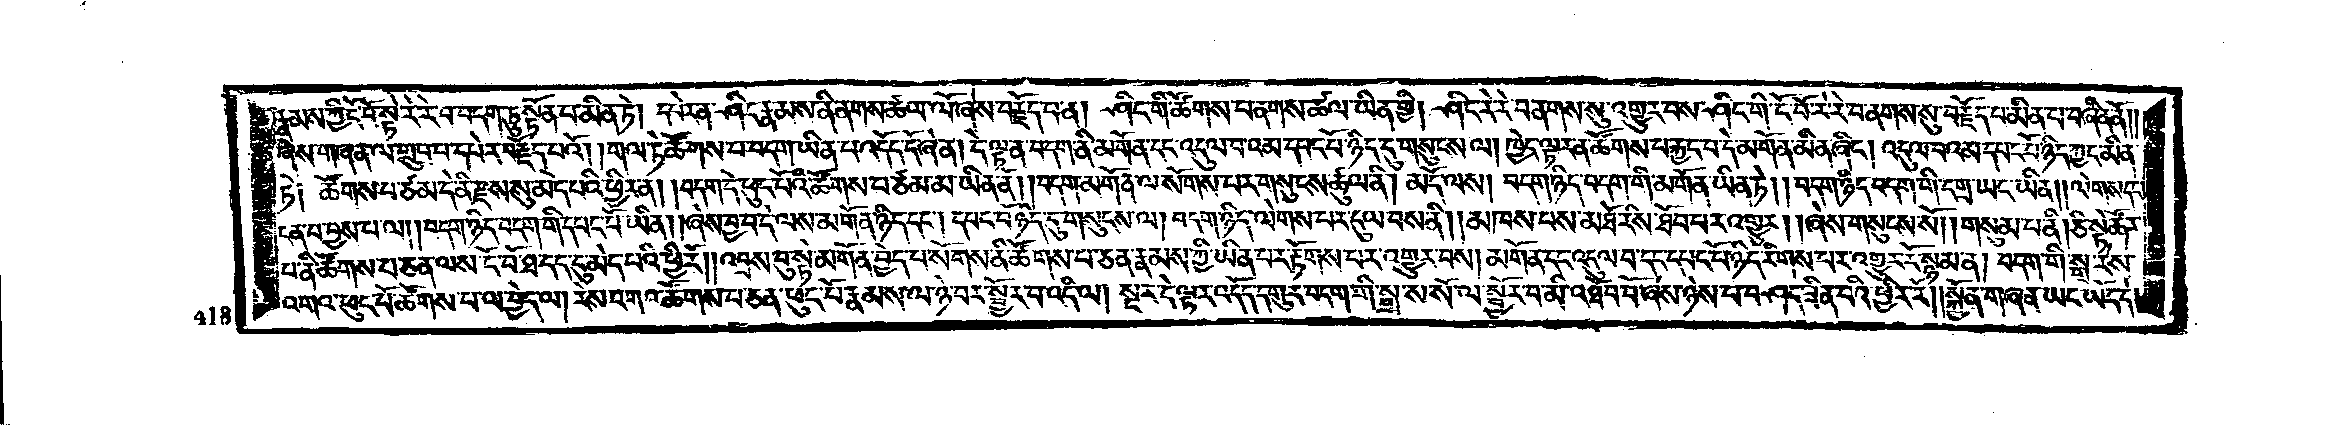རྣམས་ཀྱི་ངོ་བོ་སྟེ་རེ་རེ་བ་བདག་ཏུ་སྟོན་པ་མིན་ཏེ། དཔེར་ན་ཤིང་རྣམས་ནི་ནགས་ཚལ་ལོ་ཞེས་བརྗོད་པ་ན། ཤིང་གི་ཚོགས་པ་ནགས་ཚལ་ཡིན་གྱི། ཤིང་རེ་རེ་བ་ནགས་སུ་འགྱུར་བས་ཤིང་གི་ངོ་བོ་རེ་རེ་བ་ནགས་སུ་བརྗོད་པ་མིན་པ་བཞིན་ནོ། །
ཞེས་གཞན་ལ་གྲུབ་པ་དཔེར་བརྗོད་པའོ། །གལ་ཏེ་ཚོགས་པ་བདག་ཡིན་པ་འདོད་དོ་ཞེ་ན། དེ་ལྟ་ན་བདག་ནི་མགོན་དང་འདུལ་བའམ་དབང་པོ་ཉིད་དུ་གསུངས་ལ། ཁྱེད་ལྟར་ན་ཚོགས་པ་རྐྱང་པ་དེ་མགོན་མིན་ཞིང་། འདུལ་བའམ་དབང་པོ་ཉིད་ཀྱང་མིན་
ཏེ། ཚོགས་པ་ཙམ་དེ་ནི་རྫས་སུ་མེད་པའི་ཕྱིར་ན། །བདག་དེ་ཕུང་པོའི་ཚོགས་པ་ཙམ་མ་ཡིན་ནོ། །བདག་མགོན་ལ་སོགས་པར་གསུངས་ཚུལ་ནི། མདོ་ལས། བདག་ཉིད་བདག་གི་མགོན་ཡིན་ཏེ། །བདག་ཉིད་བདག་གི་དགྲ་ཡང་ཡིན། །ལེགས་དང་
ངན་པ་བྱས་པ་ལ། །བདག་ཉིད་བདག་གི་དབང་པོ་ཡིན། །ཞེས་བྱ་བ་དེ་ལས་མགོན་ཉིད་དང་། དབང་པོ་ཉིད་དུ་གསུངས་ལ། བདག་ཉིད་ལེགས་པར་དུལ་བས་ནི། །མཁས་པས་མཐོ་རིས་ཐོབ་པར་འགྱུར། །ཞེས་གསུངས་སོ། །གསུམ་པ་ནི། ཅི་སྟེ་ཚོགས་
པ་ནི་ཚོགས་པ་ཅན་ལས་ངོ་བོ་ཐ་དད་དུ་མེད་པའི་ཕྱིར་རོ། །འབྲས་བུ་སྟེ་མགོན་བྱེད་པ་སོགས་ནི་ཚོགས་པ་ཅན་རྣམས་ཀྱི་ཡིན་པར་རྟོགས་པར་འགྱུར་བས། མགོན་དང་འདུལ་བ་དང་དབང་པོ་ཉིད་རིགས་པར་འགྱུར་རོ་སྙམ་ན། བདག་གི་སྒྲ་རེས་
འགའ་ཕུང་པོ་ཚོགས་པ་ལ་བྱེད་ལ། རེས་འགའ་ཚོགས་པ་ཅན་ཕུང་པོ་རྣམས་ལ་ཉེ་བར་སྦྱོར་བ་འདི་ལ། སྔར་དེ་ལྟར་འདོད་དགུར་བདག་གི་སྒྲ་སོ་སོ་ལ་སྦྱོར་བ་མི་འཐོབ་བོ་ཞེས་ཉེས་པ་བཤད་ཟིན་པའི་ཕྱིར་རོ། །སྐྱོན་གཞན་ཡང་ཡོད་དེ།